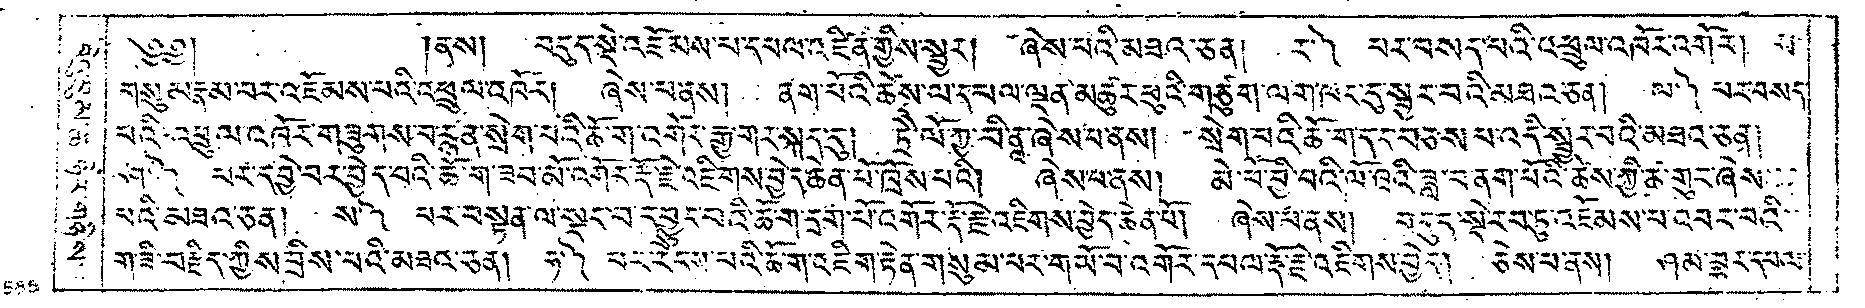༄༅། །ནས། བདུད་སྡེ་འཇོམས་པ་དཔལ་འཛིན་གྱིས་སྦྱར། ཞེས་པའི་མཐའ་ཅན། ར྄་པར་བསད་པའི་འཕྲུལ་འཁོར་འགོར། ས་
གསུམ་རྣམ་པར་འཇོམས་པའི་འཕྲུལ་འཁོར། ཞེས་པ་ནས། ནག་པོའི་ཚེས་ལ་དཔལ་ལྡན་མཚུར་ཕུའི་གཙུག་ལག་ཁང་དུ་སྦྱར་བའི་མཐའ་ཅན། ལ྄་པར་བསད་
པའི་འཕྲུལ་འཁོར་གཟུགས་བརྙན་སྲེག་པའི་ཆོ་ག་འགོར་རྒྱ་གར་སྐད་དུ། ཏྲཻ་ལོ་ཀྱ་བི་ནཱ་ཞེས་པ་ནས། སྲེག་པའི་ཆོ་ག་དང་བཅས་པ་འདི་སྦྱར་བའི་མཐའ་ཅན།
ཤ྄་པར་དབྱེ་བར་བྱེད་པའི་ཆོ་ག་ཟབ་མོ་འགོར་རྡོ་རྗེ་འཇིགས་བྱེད་ཆེན་པོ་ཁྲོས་པའི། ཞེས་པ་ནས། མེ་ཕོ་བྱི་བའི་ལོ་ཁྲའི་ཟླ་བ་ནག་པོའི་ཚེས་ཀྱི་ཚ་གུང་ཞེས་
པའི་མཐའ་ཅན། ས྄་པར་བསྟན་ལ་སྡང་བ་དབྱུང་བའི་ཆོ་ག་དྲག་པོ་འགོར་རྡོ་རྗེ་འཇིགས་བྱེད་ཆེན་པོ། ཞེས་པ་ནས། བདུད་སྡེ་རབ་ཏུ་འཇོམས་པ་འབར་བའི་
གཟི་བརྗིད་ཀྱིས་བྲིས་པའི་མཐའ་ཅན། ཧ྄་པར་རེངས་པའི་ཆོ་ག་འཇིག་རྟེན་གསུམ་པར་གཡོ་བ་འགོར་དཔལ་རྡོ་རྗེ་འཇིགས་བྱེད། ཅེས་པ་ནས། ཤམ་བྷར་དཔལ་